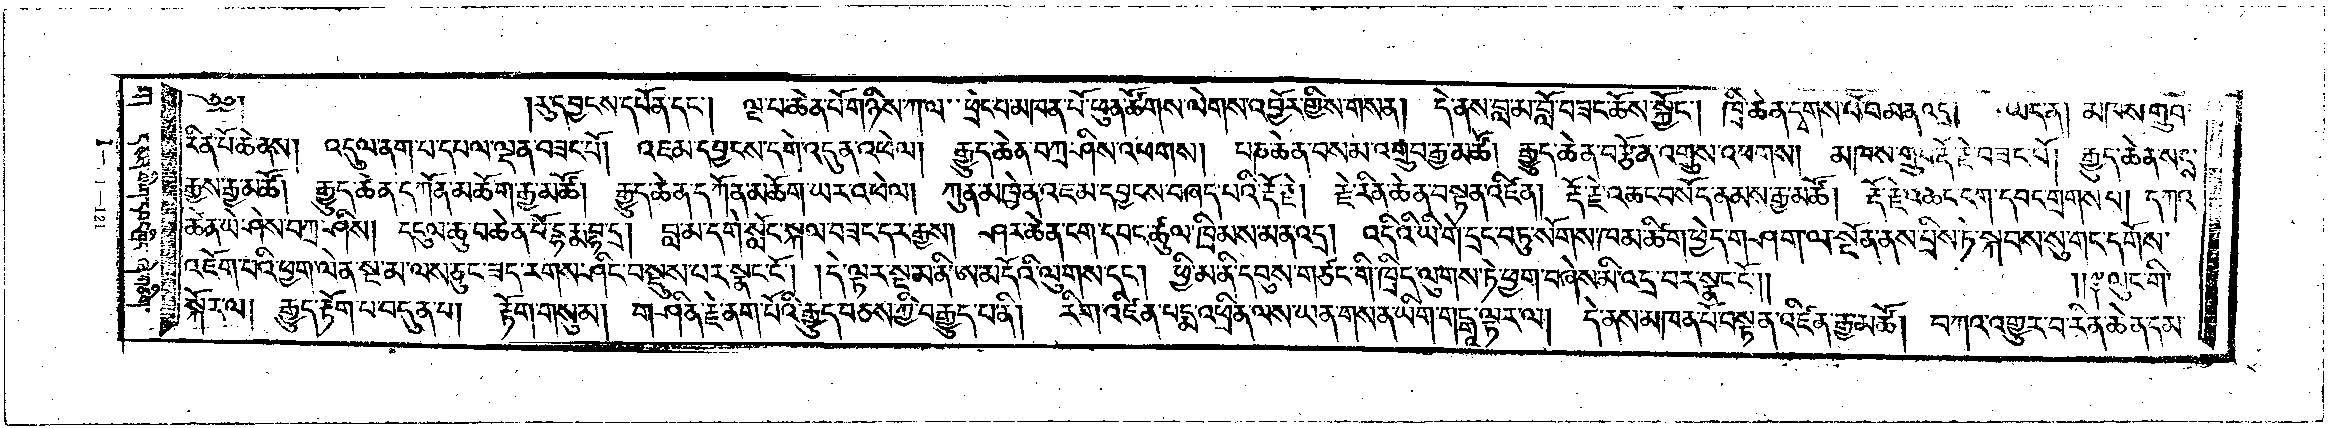༄༅། །རུ་དབྱངས་དཔོན་དང་། ལྔ་པ་ཆེན་པོ་གཉིས་ཀ་ལ་ཕྲེང་པ་མཁན་པོ་ཕུན་ཚོགས་ལེགས་འབྱོར་གྱིས་གསན། དེ་ནས་བླ་མ་བློ་བཟང་ཆོས་སྐྱོང་། ཁྲི་ཆེན་དྭགས་པོ་བ་མན་འདྲ། ༈ ཡང་ན། མཁས་གྲུབ་
རིན་པོ་ཆེ་ནས། འདུལ་ནག་པ་དཔལ་ལྡན་བཟང་པོ། འཇམ་དབྱངས་དགེ་འདུན་འཕེལ། རྒྱུད་ཆེན་བཀྲ་ཤིས་འཕགས། པཎ་ཆེན་བསམ་འགྲུབ་རྒྱ་མཚོ། རྒྱུད་ཆེན་བརྩོན་འགྲུས་འཕགས། མཁས་གྲུབ་རྡོ་རྗེ་བཟང་པོ། རྒྱུད་ཆེན་སངས་
རྒྱས་རྒྱ་མཚོ། རྒྱུད་ཆེན་དཀོན་མཆོག་རྒྱ་མཚོ། རྒྱུད་ཆེན་དཀོན་མཆོག་ཡར་འཕེལ། ཀུན་མཁྱེན་འཇམ་དབྱངས་བཞད་པའི་རྡོ་རྗེ། རྗེ་རིན་ཆེན་བསྟན་འཛིན། རྡོ་རྗེ་འཆང་བསོད་ནམས་རྒྱ་མཚོ། རྡོ་རྗེ་འཆང་ངག་དབང་གྲགས་པ། དཀའ་
ཆེན་ཡེ་ཤེས་བཀྲ་ཤིས། དངུལ་ཆུ་བ་ཆེན་པོ་དྷརྨ་བྷ་དྲ། བླ་མ་དགེ་སློང་སྐལ་བཟང་དར་རྒྱས། ཤར་ཆེན་ངག་དབང་ཚུལ་ཁྲིམས་མན་འདྲ། འདིའི་ཡི་གེ་དྲང་བཏུ་སོགས་ཁམ་ཚིག་ཕྱེད་གཤག་ལ་སྔོན་ནས་བྲིས་ཏེ་སྐབས་སུ་གང་དགོས་
འཇོག་པའི་ཕྱག་ལེན་སྔ་མ་ལས་ཆུང་ཟད་རགས་ཤིང་བསྡུས་པར་སྣང་ངོ། །དེ་ལྟར་སྔ་མ་ནི་ཨ་མདོའི་ལུགས་དང་། ཕྱི་མ་ནི་དབུས་གཙང་གི་ཁྲིད་ལུགས་ཏེ་ཕྱག་བཞེས་མི་འདྲ་བར་སྣང་ངོ།། །། ༈ལུང་གི་
སྐོར་ལ། རྒྱུད་རྟོག་པ་བདུན་པ། རྟོག་གསུམ། གཤིན་རྗེ་ནག་པོའི་རྒྱུད་བཅས་ཀྱི་བརྒྱུད་པ་ནི། རིག་འཛིན་པདམ་འཕྲིན་ལས་ཡན་གསན་ཡིག་གངྒཱ་ལྟར་ལ། དེ་ནས་མཁན་པོ་བསྟན་འཛིན་རྒྱ་མཚོ། བཀའ་འགྱུར་བ་རིན་ཆེན་དམ་